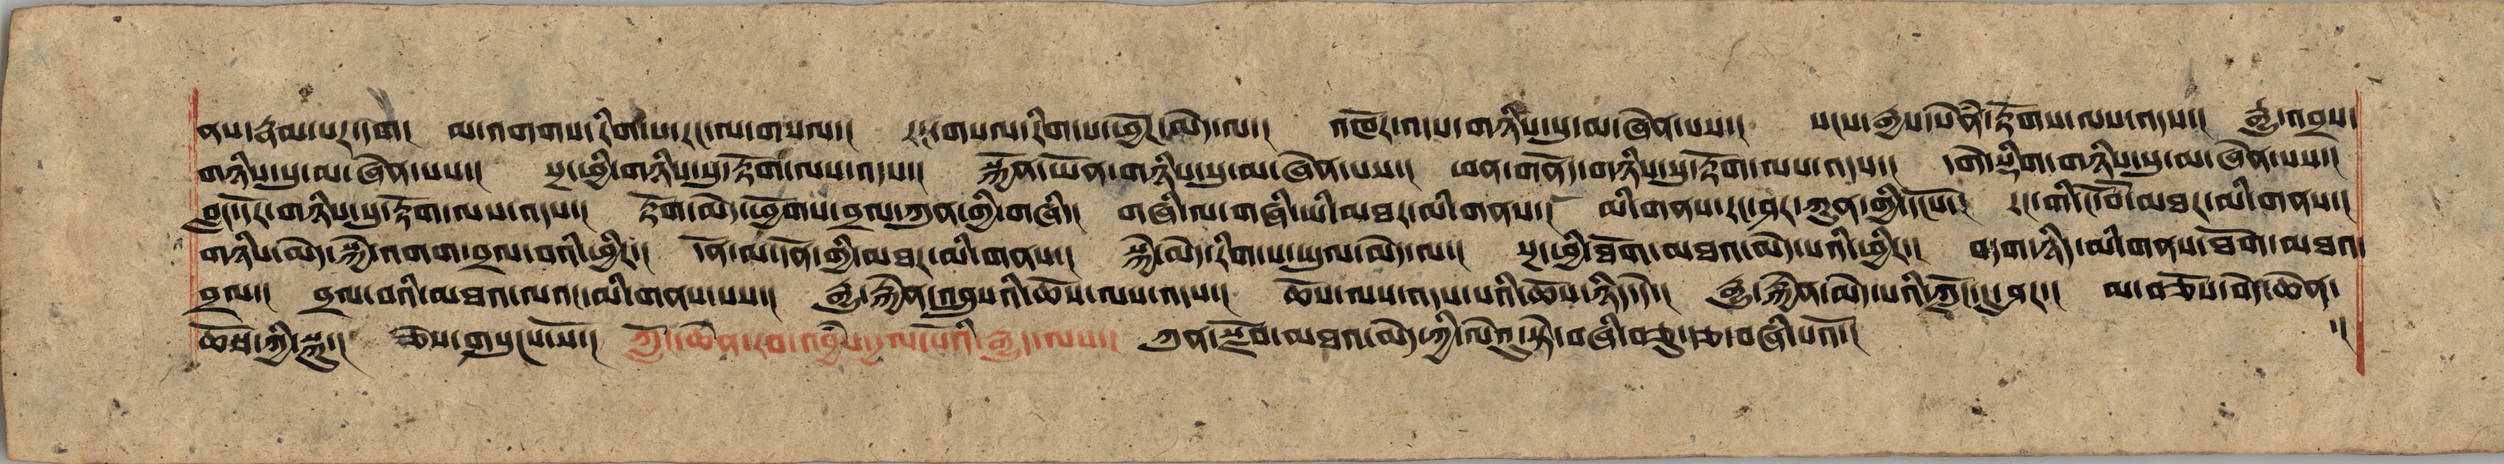ནས་རྣམ་པར་དག། མ་འགགས་རིག་པ་རང་ལ་གསལ་། རང་གསལ་རིག་པ་ཕྱོཌ་མེད་ལ་། འཁོར་འདས་གཉིས་སུ་མ་ཞེན་པས་། སངས་རྒྱས་སེཾན་རྟོགས་ལས་འདས་། རྒྱུ་འབྲས་
གཉིས་སུ་མ་ཞེན་པས་། སྔ་ཕྱི་གཉིས་སུ་རྟོག་ལས་འདས་། སྐྱོན་ཡོན་གཉིས་སུ་མ་ཞེན་པས་། ཕན་གནོད་གཉིས་སུ་རྟོག་ལས་འདས་། དགེ་སྡིག་གཉིས་སུ་མ་ཞེན་པས་།
བླང་དོར་གཉིས་སུ་རྟོག་ལས་འདས་། རྟོག་མེད་ཕྱོགས་བྲལ་ཀུན་གྱི་གཞི་། གཞི་ལ་གཞི་ཡི་མཐར་མི་གནས་། མི་གནས་རང་ཤར་ཀུན་གྱི་དངོས་། རང་གི་ངོ་བོ་མཐར་མི་གནས་།
གཉིས་མེད་སྐྱེ་འགག་བྲལ་བའི་ཕྱིར་། དོན་ལ་དོན་གྱི་མཐར་མི་གནས་། སྐྱེ་མེད་རིག་པ་ཡུལ་མེད་ལ། སྔ་ཕྱི་ཐོག་མཐའ་མེད་པའི་ཕྱིར་། བདག་ཉིད་མི་གནས་ཐོག་མཐའ་
བྲལ་། བྲལ་བའི་མཐའ་ལའང་མི་གནས་པས་། རྒྱུ་རྐྱེན་འབྲུསའི་ཆོས་ལས་འདས་། ཆོས་ལས་འདས་པའི་ཆོས་ཉིད་དེ་། རྒྱུ་རྐྱེན་མེད་པའི་ཀློང་དུ་ཤར་། མ་བཅོས་བདེ་ཆེན་
ཆོསཀྱི་སྐུ་། ཅེས་གསུངས་སོ་། ཀློང་ཆེན་རབ་འབྱཾས་རྒྱལ་པོའི་རྒྱུད་ལས་། ཀུན་སྫོབ་མཐའ་མེད་ཀྱི་ལེའུ་སྟེ་བཞི་བཅུ་དཅ་བཞི་པའོ་།